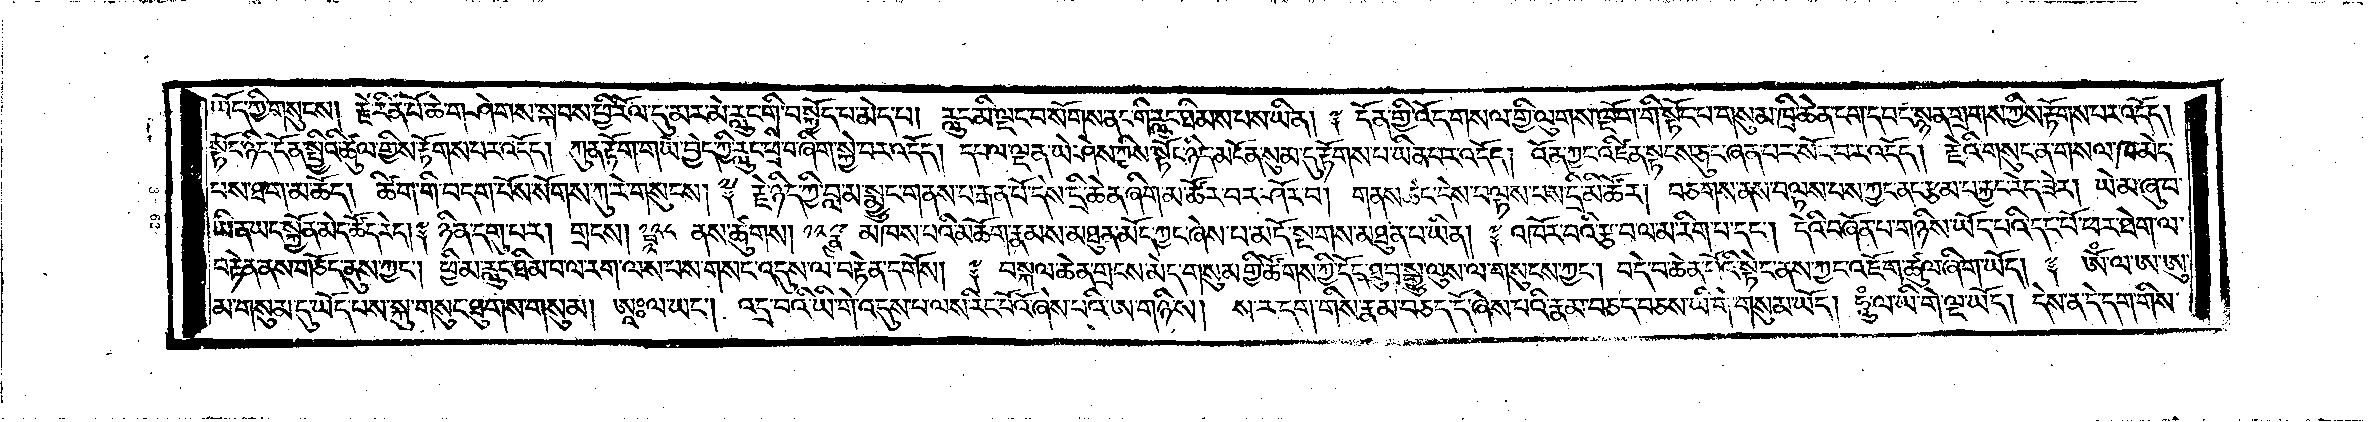ཡོད་ཀྱི་གསུངས། རྗེ་རིན་པོ་ཆེ་གཤེགས་སྐབས་ཕྱི་རོལ་དུ་མར་མེ་རླུང་གིས་བསྐྱོད་པ་མེད་པ། རླུང་མི་ལྡང་བ་སོགས་ནང་གི་རླུང་ཐིམས་པས་ཡིན། ༈ དོན་གྱི་འོད་གསལ་གྱི་ལུགས་ལྡོག་གི་སྟོང་པ་གསུམ་ཁྲི་ཆེན་ངག་དབང་སྙན་གྲགས་ཀྱིས་རྟོགས་པར་འདོད།
སྟོང་ཉིད་དོན་སྤྱིའི་ཚུལ་གྱིས་རྟོགས་པར་འདོད། ཀུན་རྟོག་གཡོ་བྱེད་ཀྱི་རླུང་ཕྲི་བ་ཞིག་སྐྱེ་བར་འདོད། དཔལ་ལྡན་ཡེ་ཤེས་ཀྱིས་སྟོང་ཉིད་མངོན་སུམ་དུ་རྟོགས་པ་ཡིན་པར་འདོད། འོན་ཀྱང་འཛིན་སྟངས་ཅུང་ཞན་པར་སོང་བར་འདོད། རྗེའི་གསུང་ན་གསལ་ཁ་མེད་
པས་ཐག་མ་ཆོད། ཚིག་གི་བདག་པོས་སོགས་ཀུ་རེ་གསུངས། ༈ རྗེ་ཉིད་ཀྱི་བླ་མ་སྨྱུང་གནས་པ་རྒན་པོ་དེས་དྲི་ཆེན་ཞིག་མ་ཚོར་བར་ཤོར་བ། གནས་ཚང་དེས་བལྟས་པས་དྲི་མི་ཚོར། བཅགས་ནས་བལྟས་པས་ཀྱང་ནང་རྩམ་པ་རྐྱང་རེད་ཟེར། ཡེ་མ་ཞུ་བ་
ཡིན་ཡང་སྐྱོན་མེད་ཚོད་རེད། ༈ ཉིན་དགུ་པར། གྲངས། ༡༢༨བ༢་ནས་ཚུགས། ༡༢༩ན༤་མཁས་པའི་མཆོག་རྣམས་མཐུན་མོད་ཀྱང་ཞེས་པ་མདོ་སྔགས་མཐུན་པ་ཡིན། ༈ འཁོར་བའི་རྩ་བ་ལ་མ་རིག་པ་དང་། དེའི་བཞོན་པ་གཉིས་ཡོད་པའི་དང་པོ་ཕར་ཐེག་ལ་
བརྟེན་ནས་གཅོད་ནུས་ཀྱང་། ཕྱི་མ་རླུང་ཐིམ་པ་ལ་རག་ལས་པས་གསང་འདུས་ལ་བརྟེན་དགོས། ༈ བསྐལ་ཆེན་གྲངས་མེད་གསུམ་གྱི་ཚོགས་ཀྱི་དོད་ཐུབ་སྒྱུ་ལུས་ལ་གསུངས་ཀྱང་། བདེ་བ་ཆེན་པོའི་སྟེང་ནས་ཀྱང་འཇོག་ཚུལ་ཞིག་ཡོད། ༈ ཨོཾ་ལ་ཨ་ཨུ་
མ་གསུམ་དུ་ཡོད་པས་སྐུ་གསུང་ཐུགས་གསུམ། ཨཱཿལ་ཡང་། འདྲ་བའི་ཡི་གེ་འདུས་པ་ལས་རིང་པོའོ་ཞེས་པའི་ཨ་གཉིས། ས་ར་དག་གིས་རྣམ་བཅད་དོ་ཞེས་པའི་རྣམ་བཅད་བཅས་ཡི་གེ་གསུམ་ཡོད། ཧཱུཾ་ལ་ཡི་གེ་ལྔ་ཡོད། དེས་ན་དེ་དག་གིས་